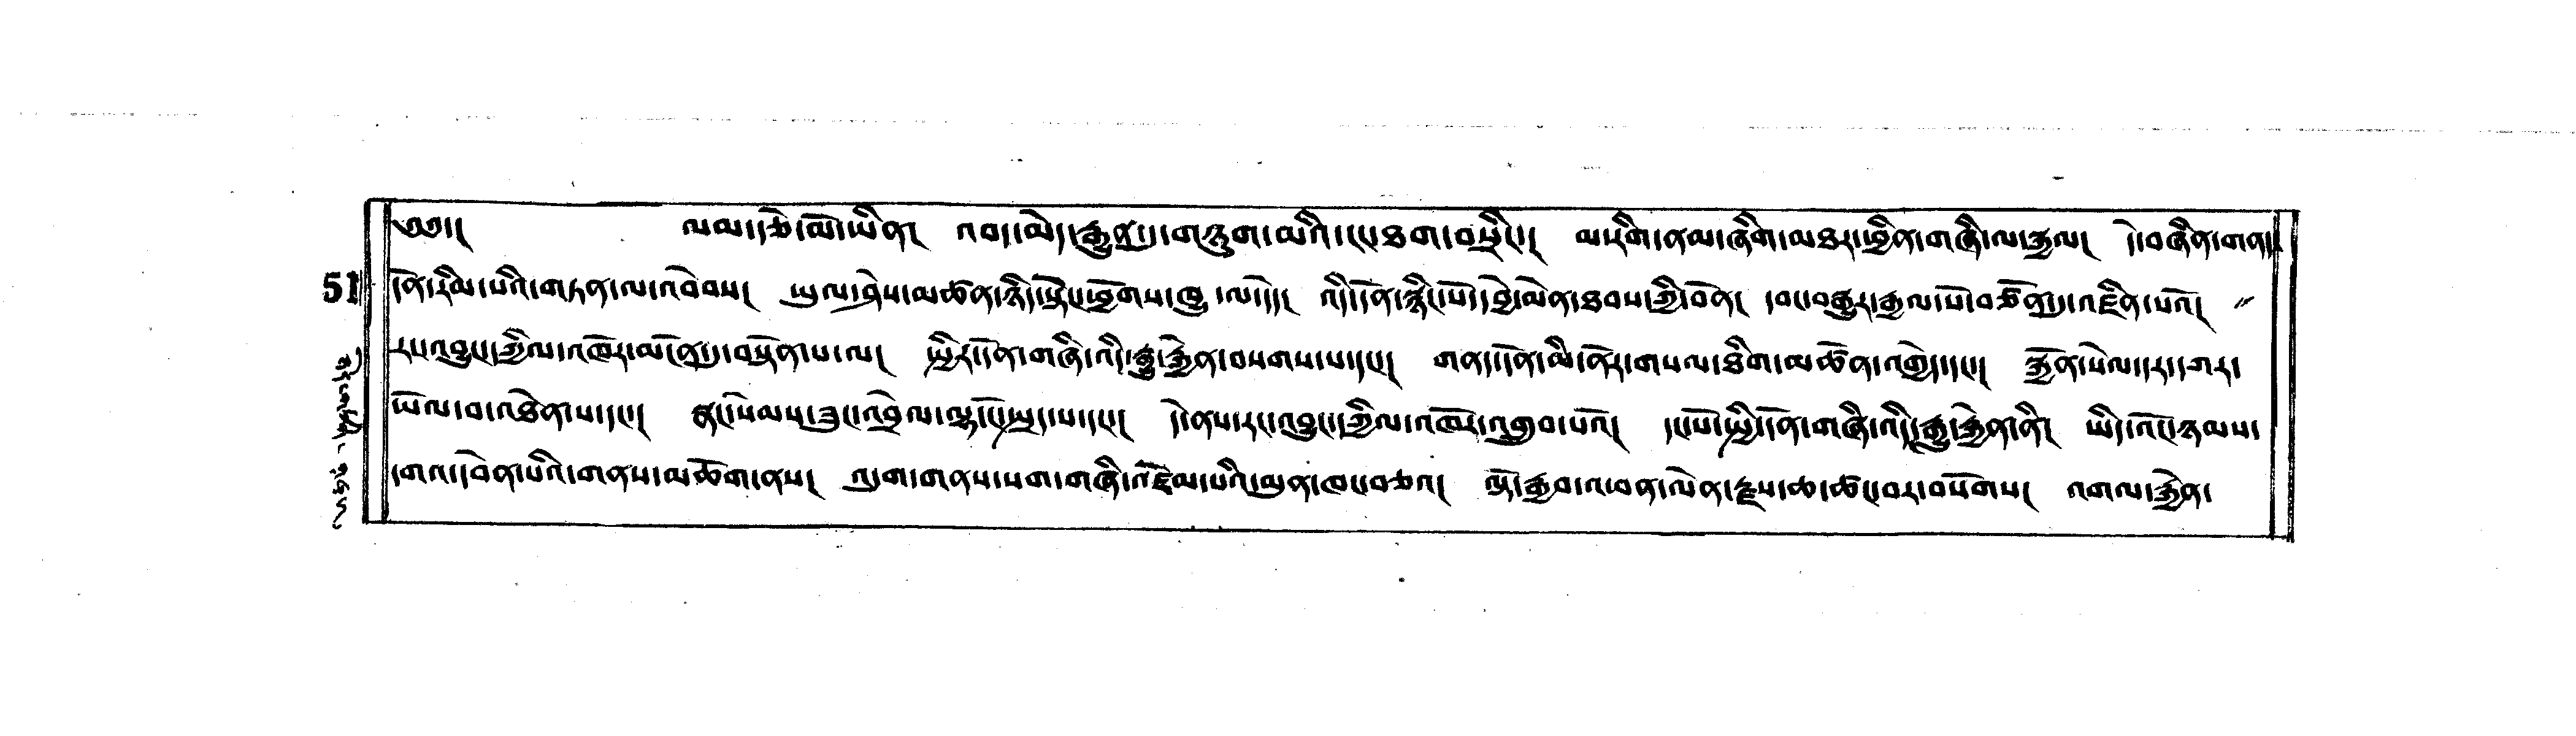ལམ་རྩེ་མོ་ཡིན། འབད་མེད་རྒྱུན་དུ་གཉུག་མའི་ངང་ཐག་བསྲིང་། མ་རིག་ནམ་ཞིག་མཐར་ཕྱིན་གཞི་ལ་བསྐྱལ། དེ་བཞིན་གནད་
དོན་རིམ་པའི་གཏན་ལ་འབེབས། ཡུལ་ཤེས་མཚན་ཉིད་སྟོང་ཕྱོགས་ཁྱུ་ལ་དེད། འདི་དོན་སྙིང་པོ་དབྱེ་མེན་ཐབས་ཀྱི་བོན། དབང་སྒྱུར་རྒྱལ་པོ་བཙོན་དུ་འཛིན་པའོ། ༧ 
རང་འབྱུང་དཀྱིལ་འཁོར་མངོན་དུ་སྟོན་པ་ལ། སྤྱིར་དོན་གཞི་འདི་རྒྱུ་རྐྱེན་བསགས་པ་དང་། གནད་དོན་མི་ནོར་གསལ་ཐིག་མཚོན་འགྱེད་དང་། སྐྱོན་སེལ་དར་དཀར་
ཡོལ་བ་འཐེན་པ་དང་། སྣང་སེམས་ཟུང་འབྲེལ་ལྷ་ངོ་སྤྲད་པ་དང་། དེ་ནས་རང་འབྱུང་དཀྱིལ་འཁོར་འགྲུབ་པ་དང་། དང་པོ་སྤྱི་དོན་གཞི་འདི་རྒྱུ་རྐྱེན་ནི། ཡིད་འོང་ཉམས་
དགའ་དབེན་པའི་གནས་མཆོག་ནས། འདུག་གནས་སག་གཞི་འཛོམ་པའི་མུན་ཁང་བཅའ། ལྟོ་རྒྱབ་འཕན་ལེན་རྫས་ཆ་ཚང་བར་བསོགས། འགལ་རྐྱེན་